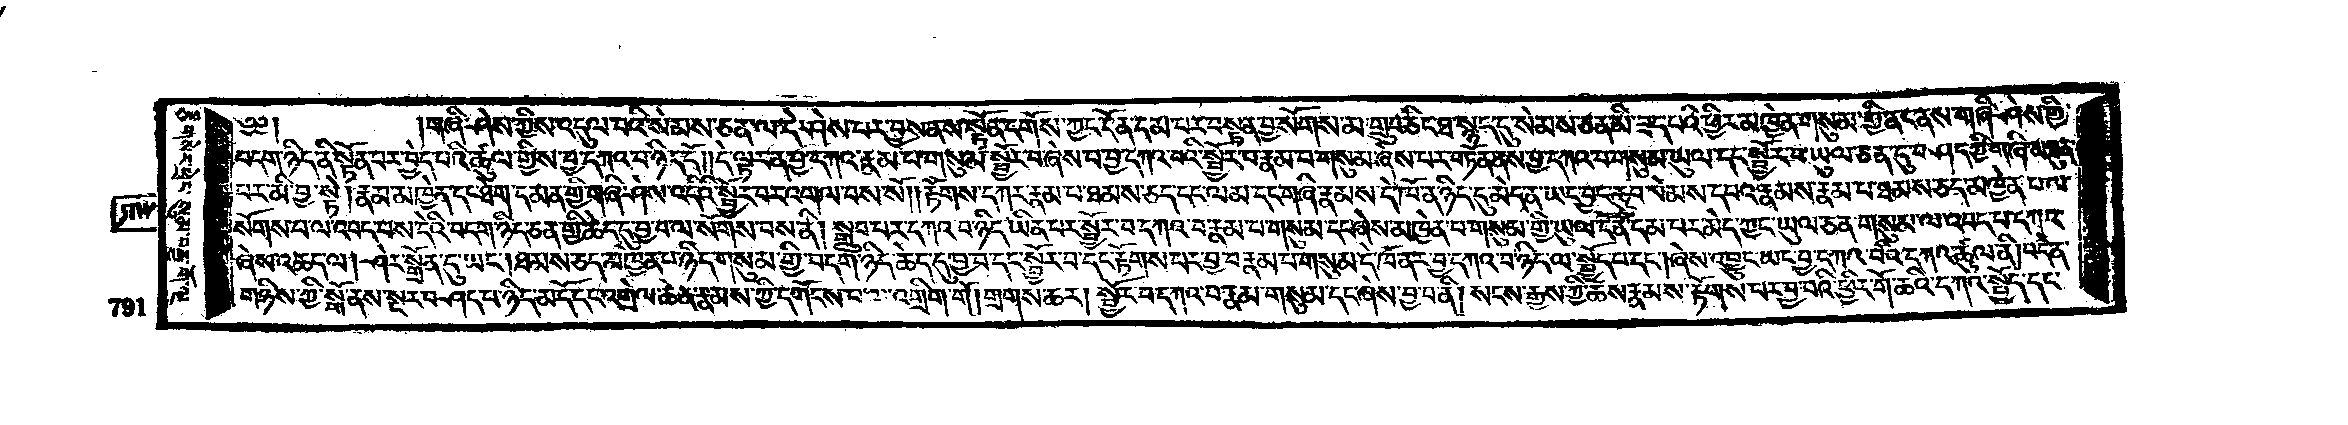༄༅། །གཞི་ཤེས་ཀྱིས་འདུལ་བའི་སེམས་ཅན་ལ་དེ་ཤེས་པར་བྱས་ནས་སྟོན་དགོས་ཀྱང་དོན་དམ་པར་བསྟན་བྱ་སོགས་མ་གྲུབ་ཅིང་ཐ་སྙད་དུ་སེམས་ཅན་མི་ཟད་པའི་ཕྱིར་མཁྱེན་གསུམ་གྱི་ནང་ནས་གཞི་ཤེས་ཀྱི་
བདག་ཉིད་ནི་སྟོན་པར་བྱེད་པའི་ཚུལ་གྱིས་བྱ་དཀའ་བ་ཉིད་དོ། །དེ་ལྟར་ན་བྱ་དཀའ་རྣམ་པ་གསུམ་སྦྱོར་བ་ཞེས་པ་བྱ་དཀའ་བའི་སྦྱོར་བ་རྣམ་པ་གསུམ་ཞེས་པར་བཏོན་ནས་བྱ་དཀའ་བ་གསུམ་ཡུལ་དང་སྦྱོར་བ་ཡུལ་ཅན་དུ་བཤད་ཀྱི་གཞི་མཐུན་
པར་མི་བྱ་སྟེ། རྣམ་མཁྱེན་དང་ཐེག་དམན་གྱི་གཞི་ཤེས་འདིའི་སྦྱོར་བར་འགལ་བས་སོ། །རྟོགས་དཀར་རྣམ་པ་ཐམས་ཅད་དང་ལམ་དང་གཞི་རྣམས་དེ་ཁོ་ན་ཉིད་དུ་མེད་ན་ཡང་བྱང་ཆུབ་སེམས་དཔའ་རྣམས་རྣམ་པ་ཐམས་ཅད་མཁྱེན་པ་ལ་
སོགས་པ་ལ་འབད་པས་དེའི་བདག་ཉིད་ཅན་གྱི་ཆེད་དུ་བྱ་བ་ལ་སོགས་པས་ནི། སྒྲུབ་པར་དཀའ་བ་ཉིད་ཡིན་པར་སྦྱོར་བ་དཀའ་བ་རྣམ་པ་གསུམ་དང་ཞེས་མཁྱེན་པ་གསུམ་གྱི་ཡུལ་དོན་དམ་པར་མེད་ཀྱང་ཡུལ་ཅན་གསུམ་ལ་འབད་པ་དཀའ་
ཞེས་འཆད་ལ། ཤེར་སྒྲོན་དུ་ཡང་། ཐམས་ཅད་མཁྱེན་པ་ཉིད་གསུམ་གྱི་བདག་ཉིད་ཆེད་དུ་བྱ་བ་དང་སྦྱོར་བ་དང་རྟོགས་པར་བྱ་བ་རྣམ་པ་གསུམ་དེ་ཁོ་ནར་བྱ་དཀའ་བ་ཉིད་ལ་སྤྱོད་པ་དང་། ཞེས་འབྱུང་ཡང་བྱ་དཀའ་བའི་དཀའ་ཚུལ་ནི། བདེན་
གཉིས་ཀྱི་སྒོ་ནས་སྔར་བཤད་པ་ཉིད་མདོ་དང་འགྲེལ་ཆེན་རྣམས་ཀྱི་དགོངས་པ་ལ་འགྲིག་གོ །གྲགས་ཆར། སྦྱོར་བ་དཀའ་བ་རྣམ་གསུམ་དང་ཞེས་བྱ་བ་ནི། སངས་རྒྱས་ཀྱི་ཆོས་རྣམས་རྟོགས་པར་བྱ་བའི་ཕྱིར་གོ་ཆའི་དཀའ་སྤྱོད་དང་